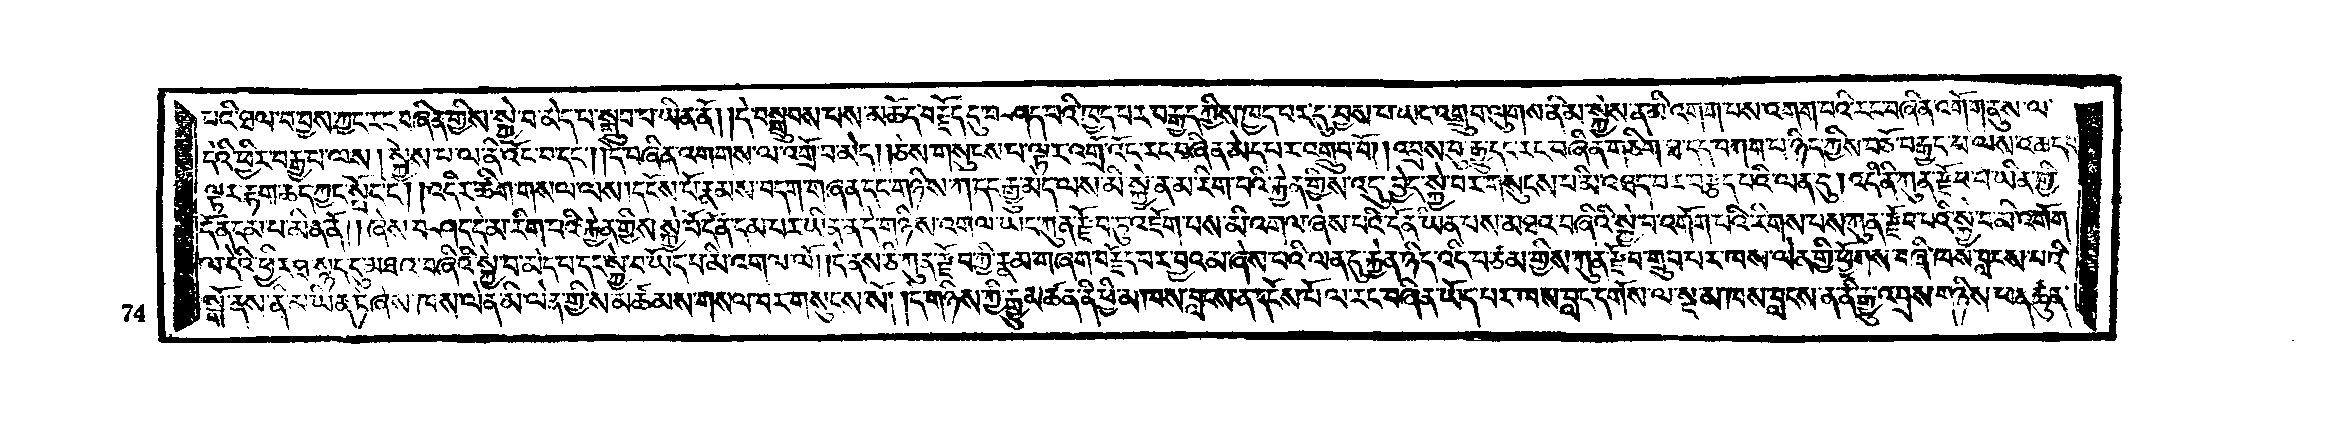པའི་ཐལ་བ་བྱས་ཀྱང་རང་བཞིན་གྱིས་སྐྱེ་བ་མེད་པ་སྒྲུབ་པ་ཡིན་ནོ། །དེ་བསྒྲུབས་པས་མཆོད་བརྗོད་དུ་བཤད་པའི་ཁྱད་པར་བརྒྱད་ཀྱིས་ཁྱད་པར་དུ་བྱས་པ་ཡང་འགྲུབ་ལུགས་ནི་མ་སྐྱེས་ན་མི་འགག་པས་འགག་པའི་རང་བཞིན་འགོག་ནུས་ལ་
དེའི་ཕྱིར་བརྒྱ་པ་ལས། སྐྱེས་པ་ལ་ནི་འོང་བ་དང་། །དེ་བཞིན་འགགས་ལ་འགྲོ་བ་མེད། །ཅེས་གསུངས་པ་ལྟར་འགྲོ་འོང་རང་བཞིན་མེད་པར་འགྲུབ་བོ། །འབྲས་བུ་རྒྱུ་དང་རང་བཞིན་གཅིག་ཐ་དད་བཀག་པ་ཉིད་ཀྱིས་བཅོ་བརྒྱད་པ་ལས་འཆད་པ་
ལྟར་རྟག་ཆད་ཀྱང་སྤོང་ངོ། །འདིར་ཚིག་གསལ་ལས། དངོས་པོ་རྣམས་བདག་གཞན་དང་གཉིས་ཀ་དང་རྒྱུ་མེད་ལས་མི་སྐྱེ་ན་མ་རིག་པའི་རྐྱེན་གྱིས་འདུ་བྱེད་སྐྱེ་བར་གསུངས་པ་མི་འཐད་པར་བརྩད་པའི་ལན་དུ། འདི་ནི་ཀུན་རྫོབ་པ་ཡིན་གྱི་
དོན་དམ་པ་མིན་ནོ། །ཞེས་བཤད་དེ་མ་རིག་པའི་རྐྱེན་གྱིས་སྐྱེ་བོ་དོན་དམ་པར་ཡིན་ན་དེ་གཉིས་འགལ་ཡང་ཀུན་རྫོབ་ཏུ་འཇོག་པས་མི་འགལ་ཞེས་པའི་དོན་ཡིན་པས་མཐའ་བཞིའི་སྐྱེ་བ་འགོག་པའི་རིགས་པས་ཀུན་རྫོབ་པའི་སྐྱེ་བ་མི་འགོག་
ལ་དེའི་ཕྱིར་ཐ་སྙད་དུ་མཐའ་བཞིའི་སྐྱེ་བ་མེད་པ་དང་སྐྱེ་བ་ཡོད་པ་མི་འགལ་ལོ། །དེ་ནས་ཅི་ཀུན་རྫོབ་ཀྱི་རྣམ་གཞག་བརྗོད་པར་བྱའམ་ཞེས་པའི་ལན་དུ་རྐྱེན་ཉིད་འདི་པ་ཙམ་གྱིས་ཀུན་རྫོབ་གྲུབ་པར་ཁས་ལེན་གྱི་ཕྱོགས་བཞི་ཁས་བླངས་པའི་
སྒོ་ནས་ནི་མ་ཡིན་ཏེ་ཞེས་ཁས་ལེན་མི་ལེན་གྱི་ས་མཚམས་གསལ་བར་གསུངས་སོ། །དེ་གཉིས་ཀྱི་རྒྱུ་མཚན་ནི་ཕྱི་མཁས་བླངས་ན་དངོས་པོ་ལ་རང་བཞིན་ཡོད་པར་ཁས་བླང་དགོས་ལ་སྔ་མ་ཁས་བླངས་ན་ནི་རྒྱུ་འབྲས་གཉིས་ཕན་ཚུན་